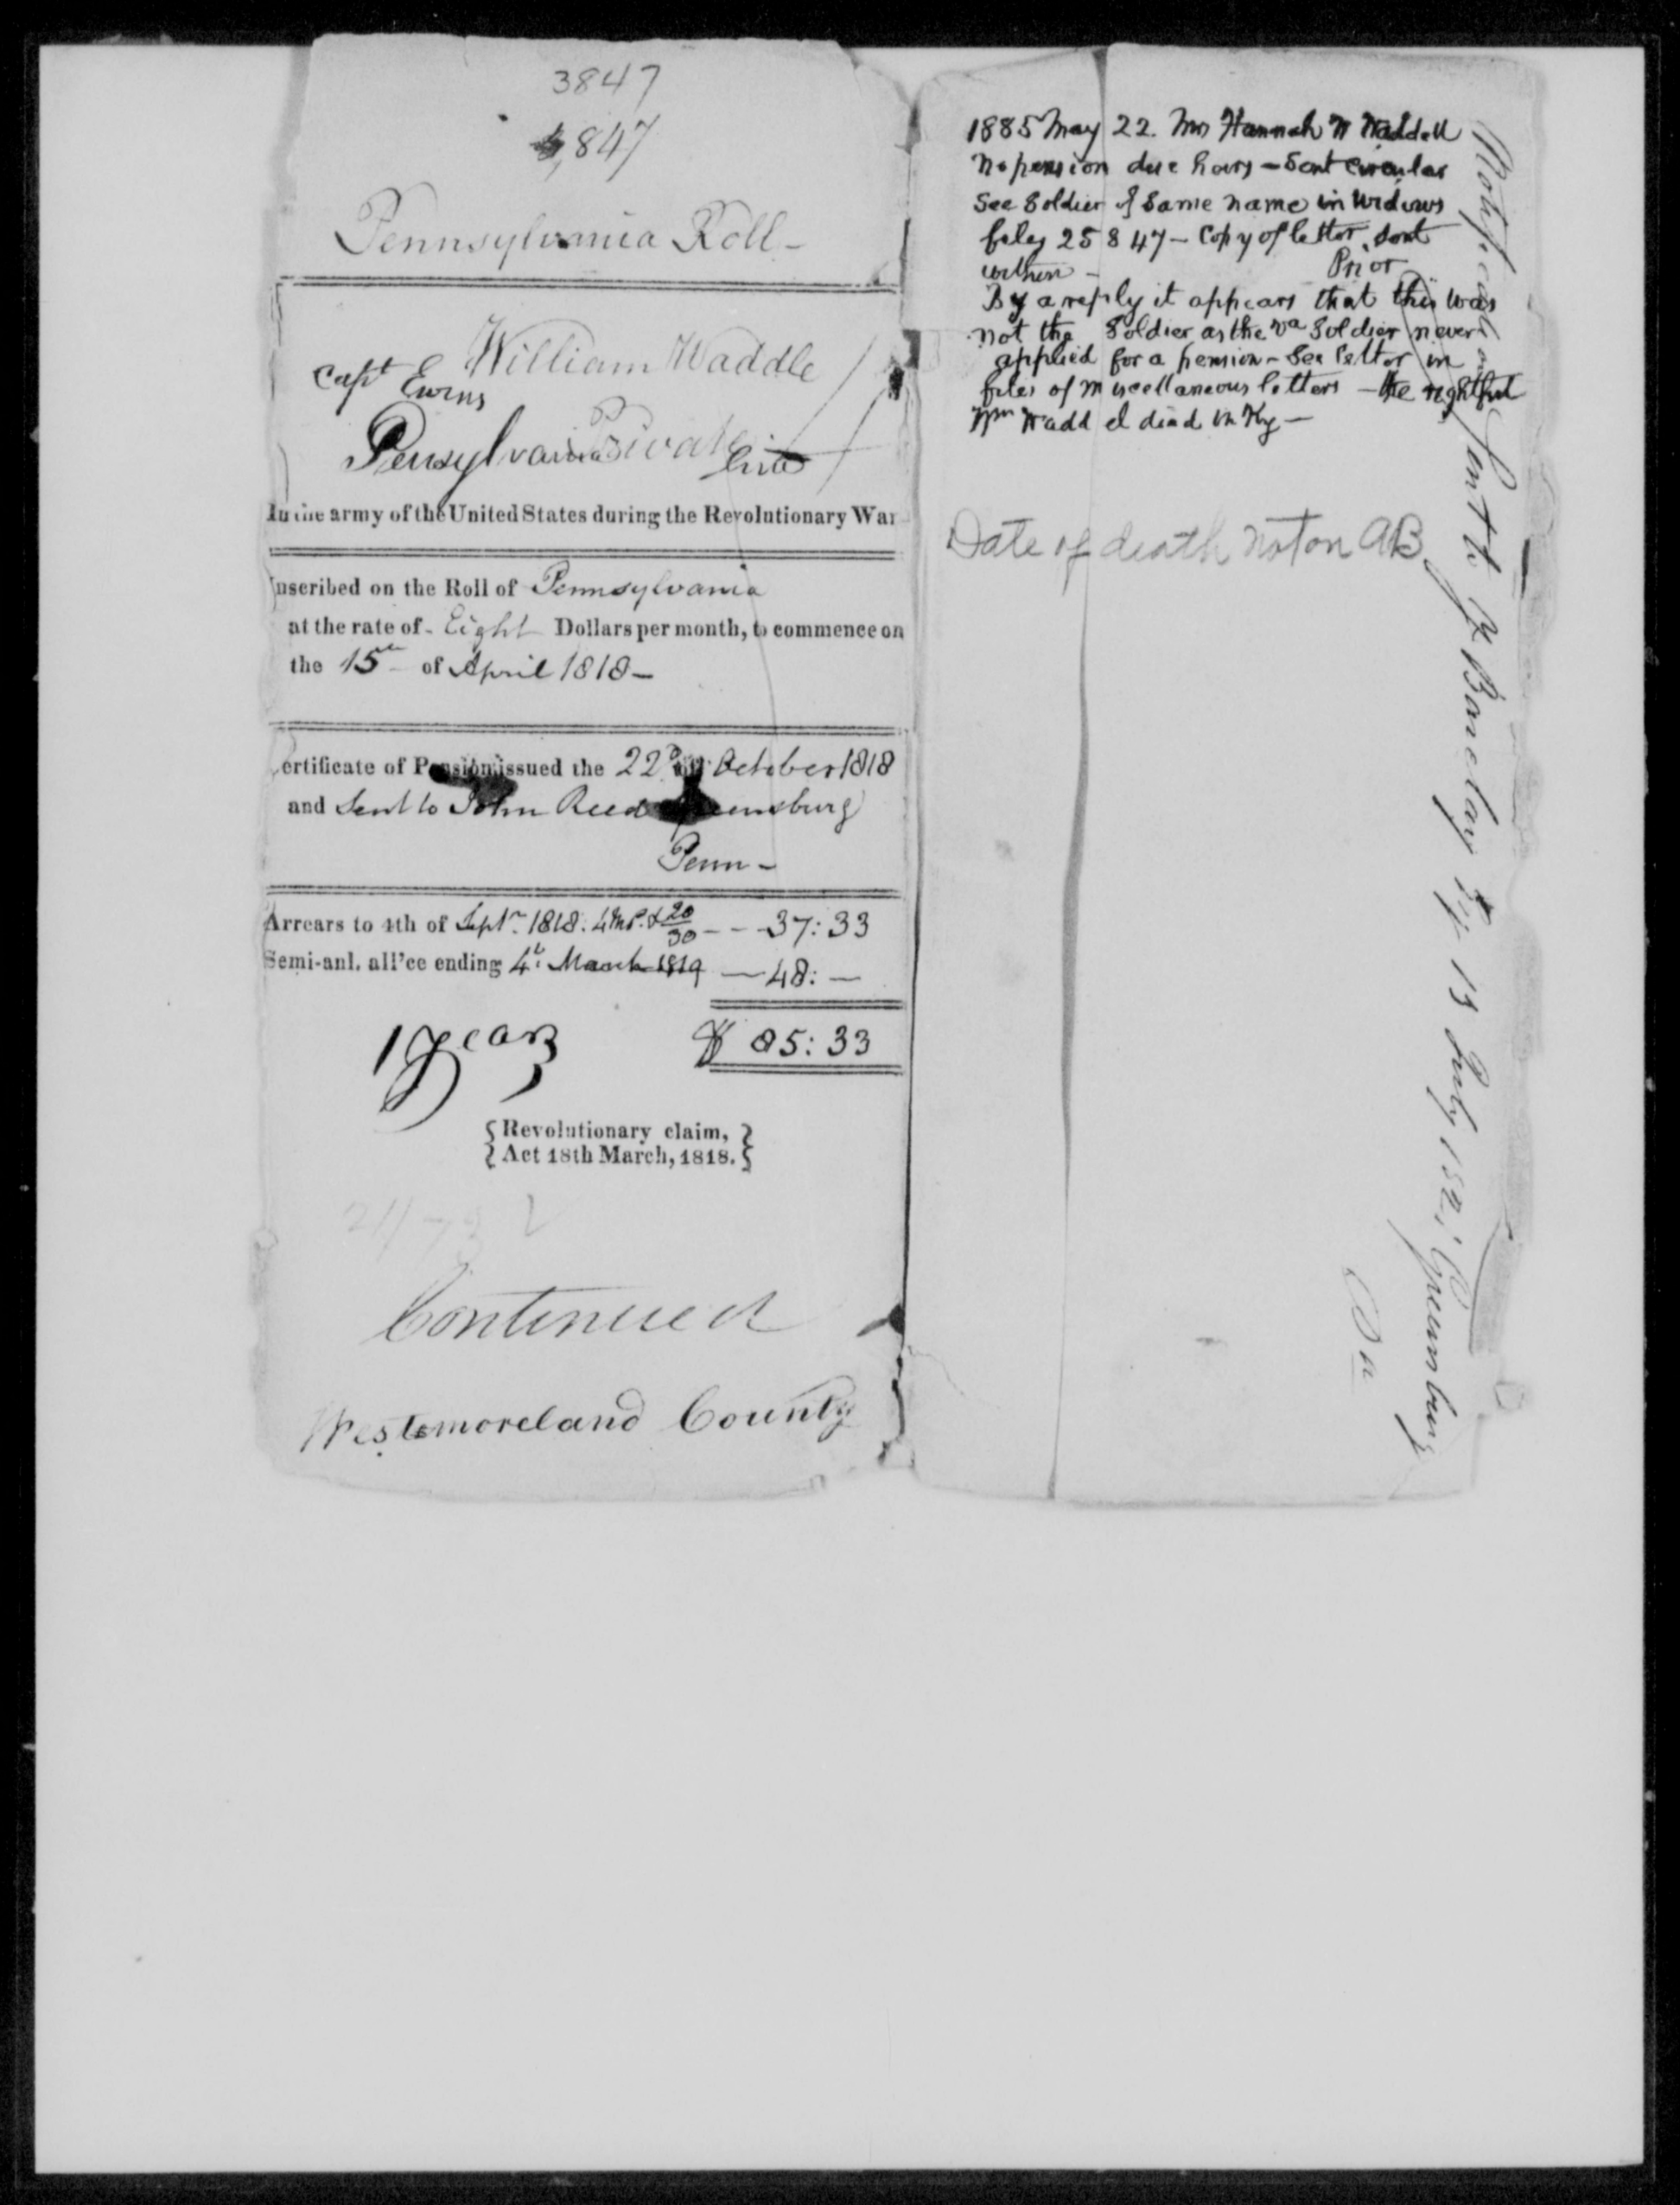3847
,847
Pennsylvania Roll-
Capt [Captain] Ervins  William Waddle
Pensylvania [Pennsylvania] Private line
In the army of the United States during the Revolutionary War

Inscribed on the Roll of Pennsylvania at the rate of Eight Dollars per month, to commence on the 15th of April 1818-

Certificate of Pension issued the 22 October 1818 and sent to John Reed [illegible]ensburg Penn

Arrears to 4th of Sept 1818. 4 Mos. & 20/30 --  37:33
Semi-anl. all'ce [annual allowance] ending 4 Mar 1819 48: --
85.33
1 years
{Revolutionary claim, Act 18th March, 1818.}
24732
Continued
Westmoreland County

1885 May 22 Mrs Hannah W Waddell no pension due him sent circular
See Soldier of same name in Widows file 25847- copy of letter sent within-
By a reply it appears that this was not the soldier as the Va [Virginia] soldier never
applied for a pension see letter in files of Miscellaneous letters [illegible]
Wm Waddel died in Ky - 

Date of death not on AB

Sent to J Barclay by 13 July 1821. Greensburg- Pa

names: Hannah W Waddell, Wm Waddel, Ewins, C Wade, John Reed, Y Barclay, William Waddle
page: 2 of 42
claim: survivor's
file: S. 40645, William Waddle, Penn.